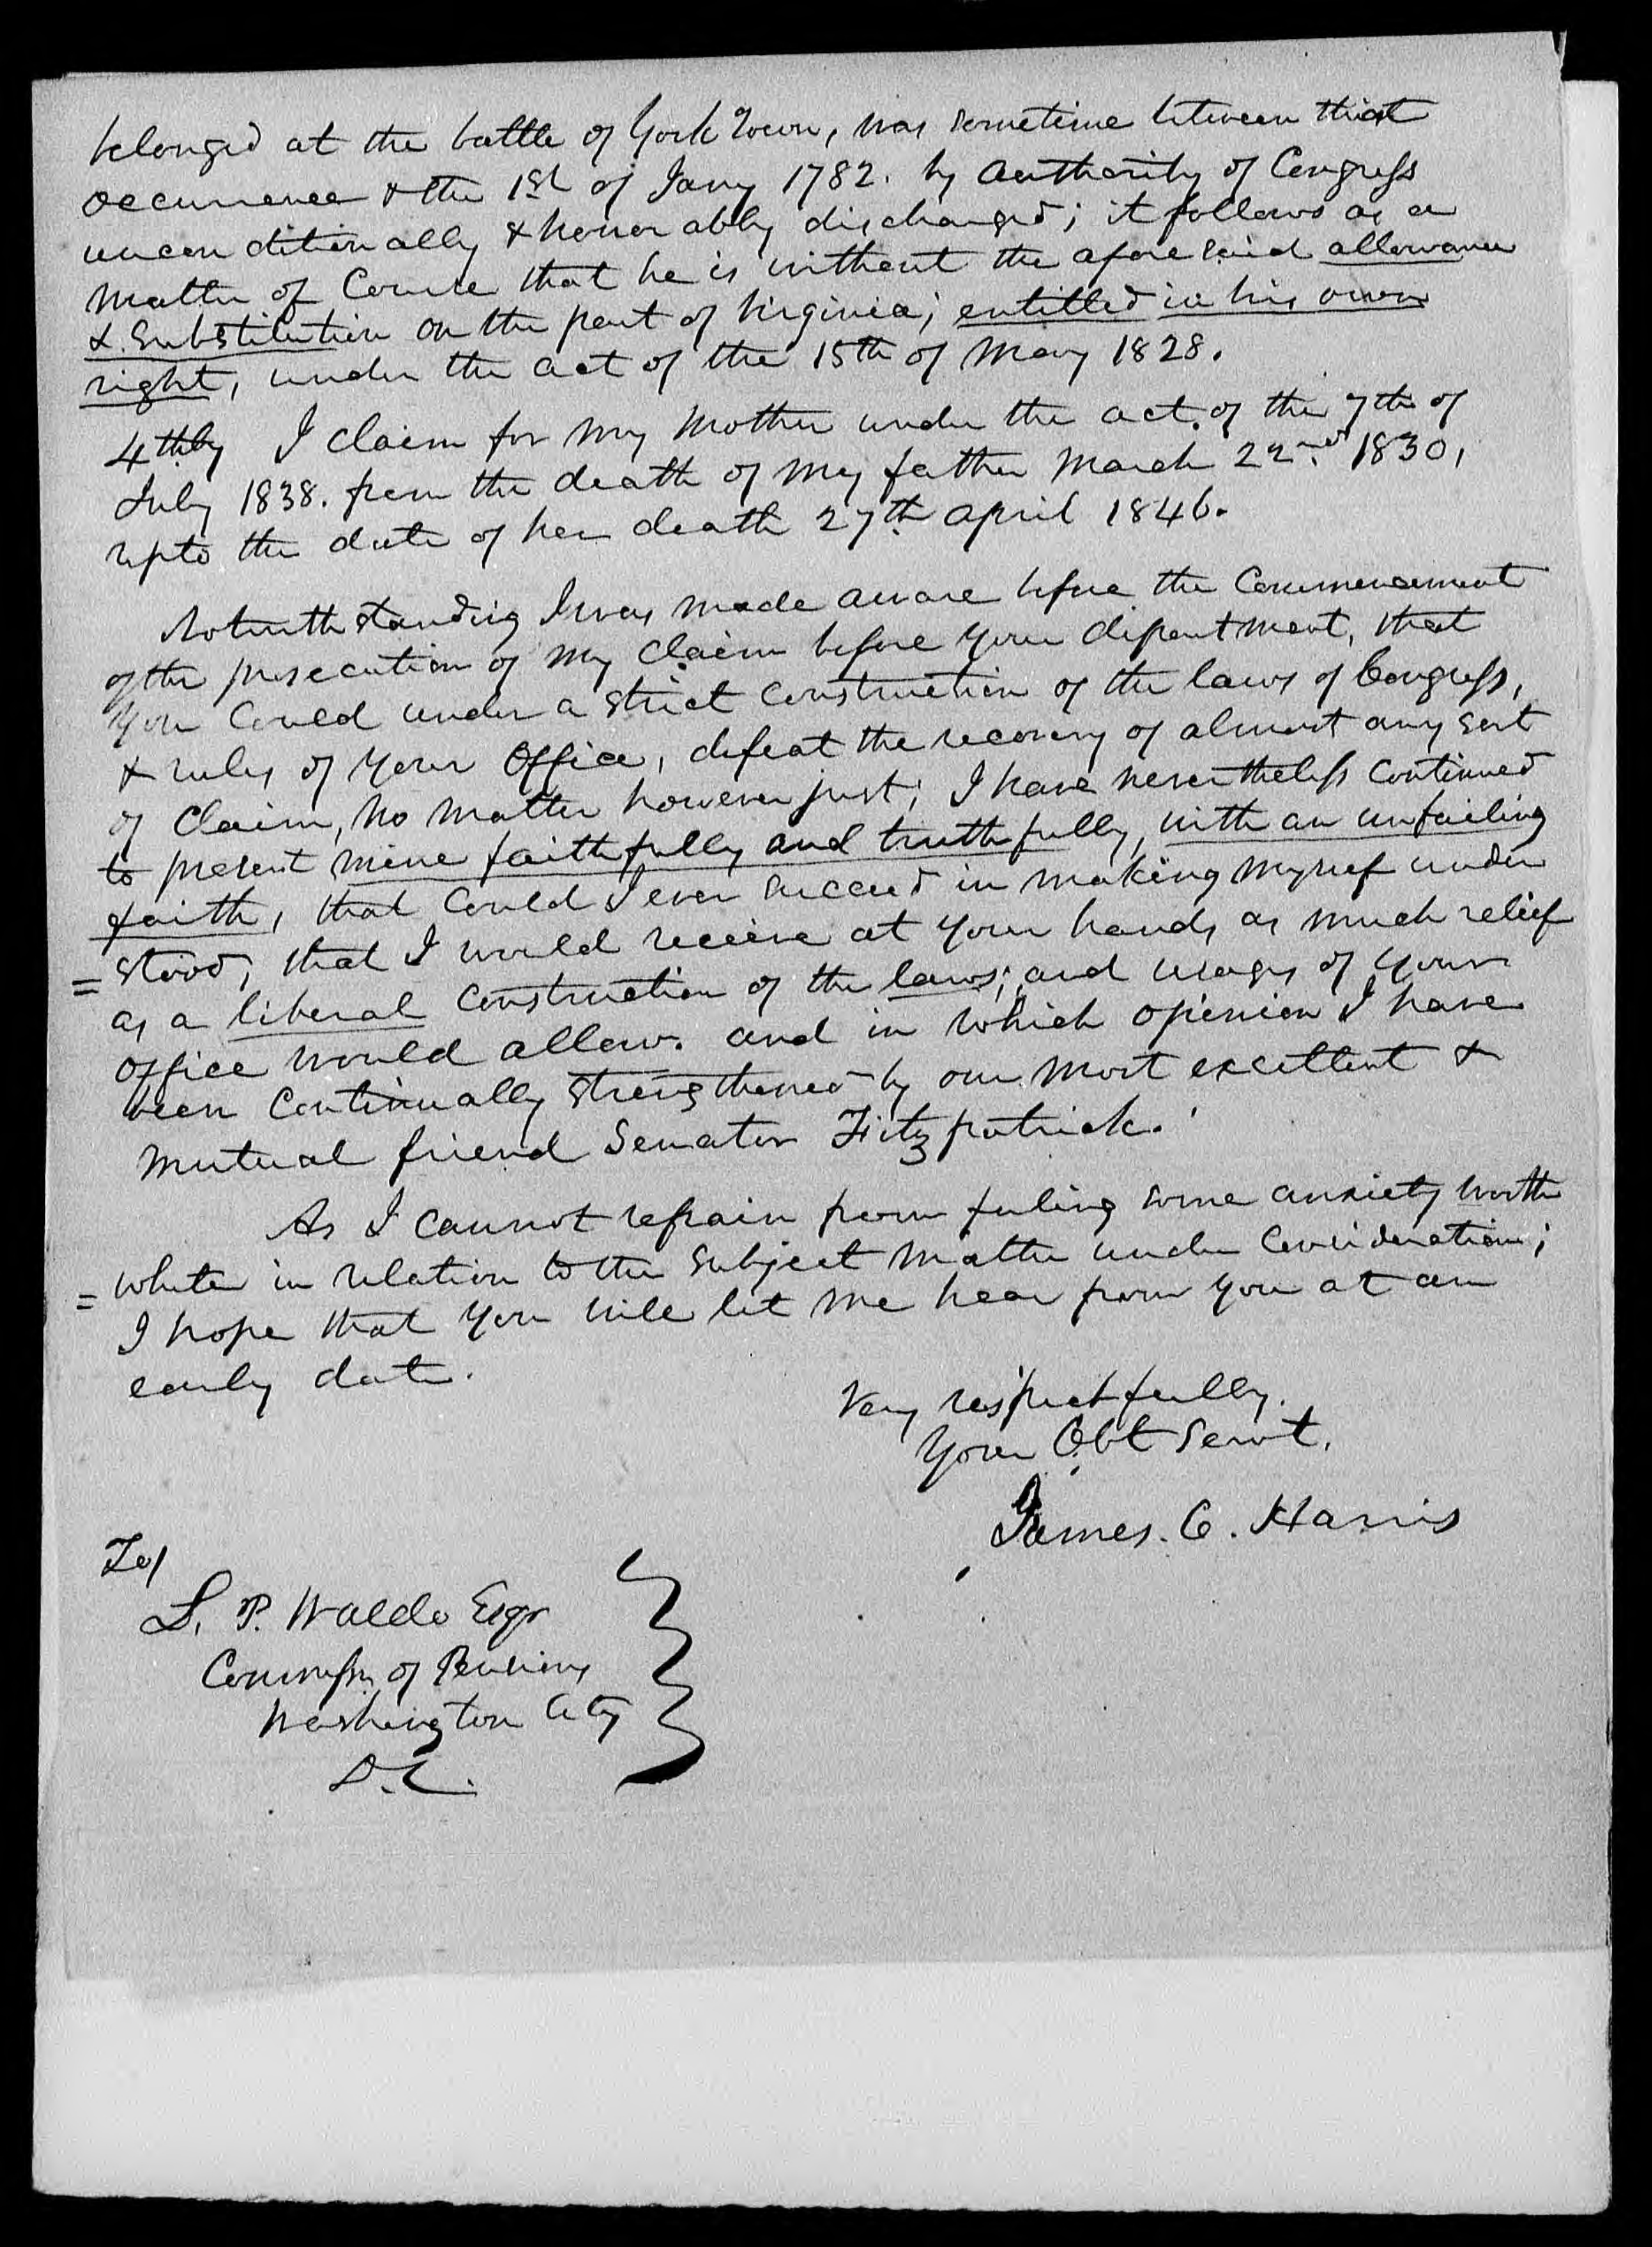belonged at the battle of Yorktown, was sometime between that occurrence & the 1st of Jany 1782, by authority of Congress unconditionally & honorably discharged, it follows as a matter of course that he is without the aforesaid allowance & substitution on the part of Virginia, entitled in his own right, under the Act of the 15th of May 1828.
4th   I claim for my mother under the Act of the 7th of July 1838, from the death of my father March 22nd 1830, up to the date of her death 27th April 1846.
Notwithstanding I was made aware before the commencement of the prosecution of my case before your department, that you could under a strict construction of the laws of Congress & rules of your office, defeat the recovery of almost any sort of claim, no matter however just,  I have nevertheless continued to present mine faithfully and truthfully with an unfailing faith, that could I ever succeed in making myself understood, that I would receive at your hands as much relief as a liberal construction of the laws, and [?] of your office would allow and in which opinion I have been continually strengthened by our most excellent & mutual friend Senator Fitzpatrick.
As I cannot refrain from feeling some anxiety [?] in relation to the subject matter under consideration, I hope that you will let me hear from you at an early date.

Very respectfully
Your Obt Servt
James C. Harris

To, 
L. P. Waldo Esqr.
Commissn of Pensions
Washington City
D.C.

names: L P Waldo, James C Harris, Fitzpatrick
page: 77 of 160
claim: rejected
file: R. 4666, James Harris, Va.